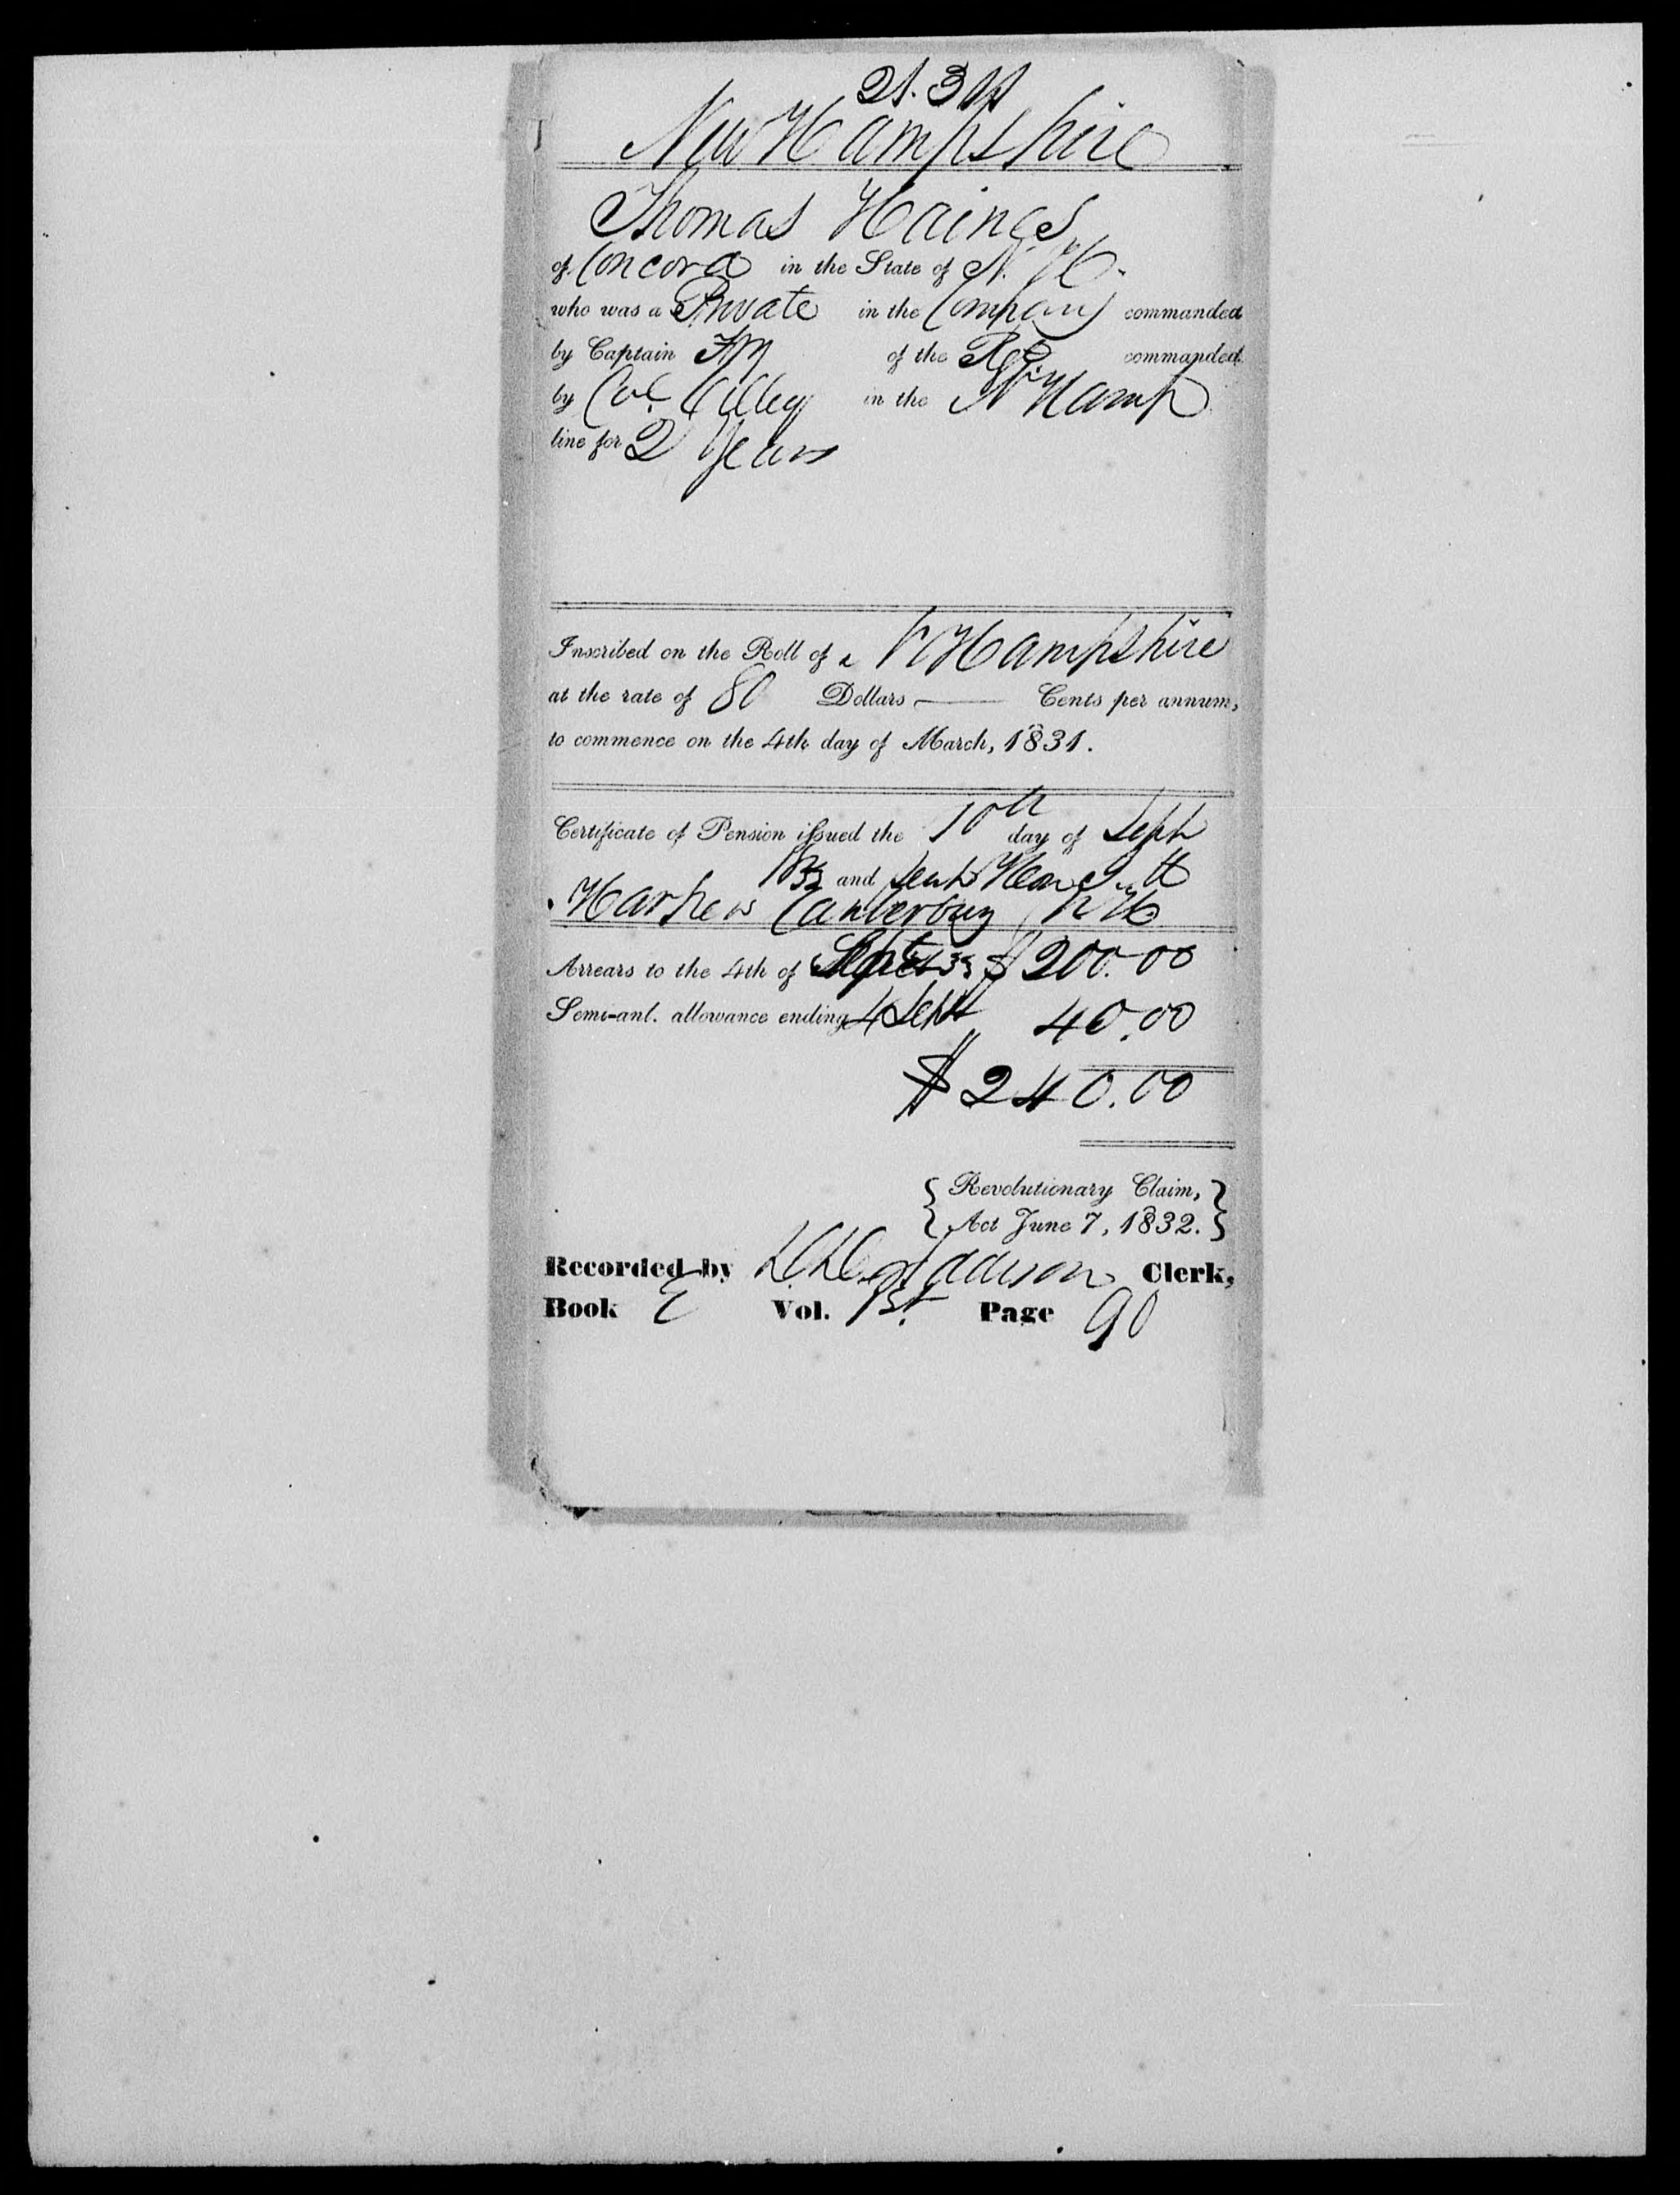New Hampsire 
Thomas Gaines of Concord in the state of NH who was a private in the company commanded by Captain JM of the ret commanded by Col Cilly in the N Hamp line for 2 years. 

Inscribed on the roll of a N. Hampshire at the rate of 80 dollars --- cents per annum to commence on the 4th day of March, 1834.

Certificate of Pension issued the 10th day of Sept 1835 and [illegible] Harper Canterbury NH

Arrears to the 4th of Sept 33 $ 200.00
Semi-anl. allowance ending 4 Sept 40.00

$240.00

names: Cilley, D D Addison, J M Harper, Fry, Thomas Haines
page: 2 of 57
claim: widow's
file: W. 23217, Thomas Haines, N H